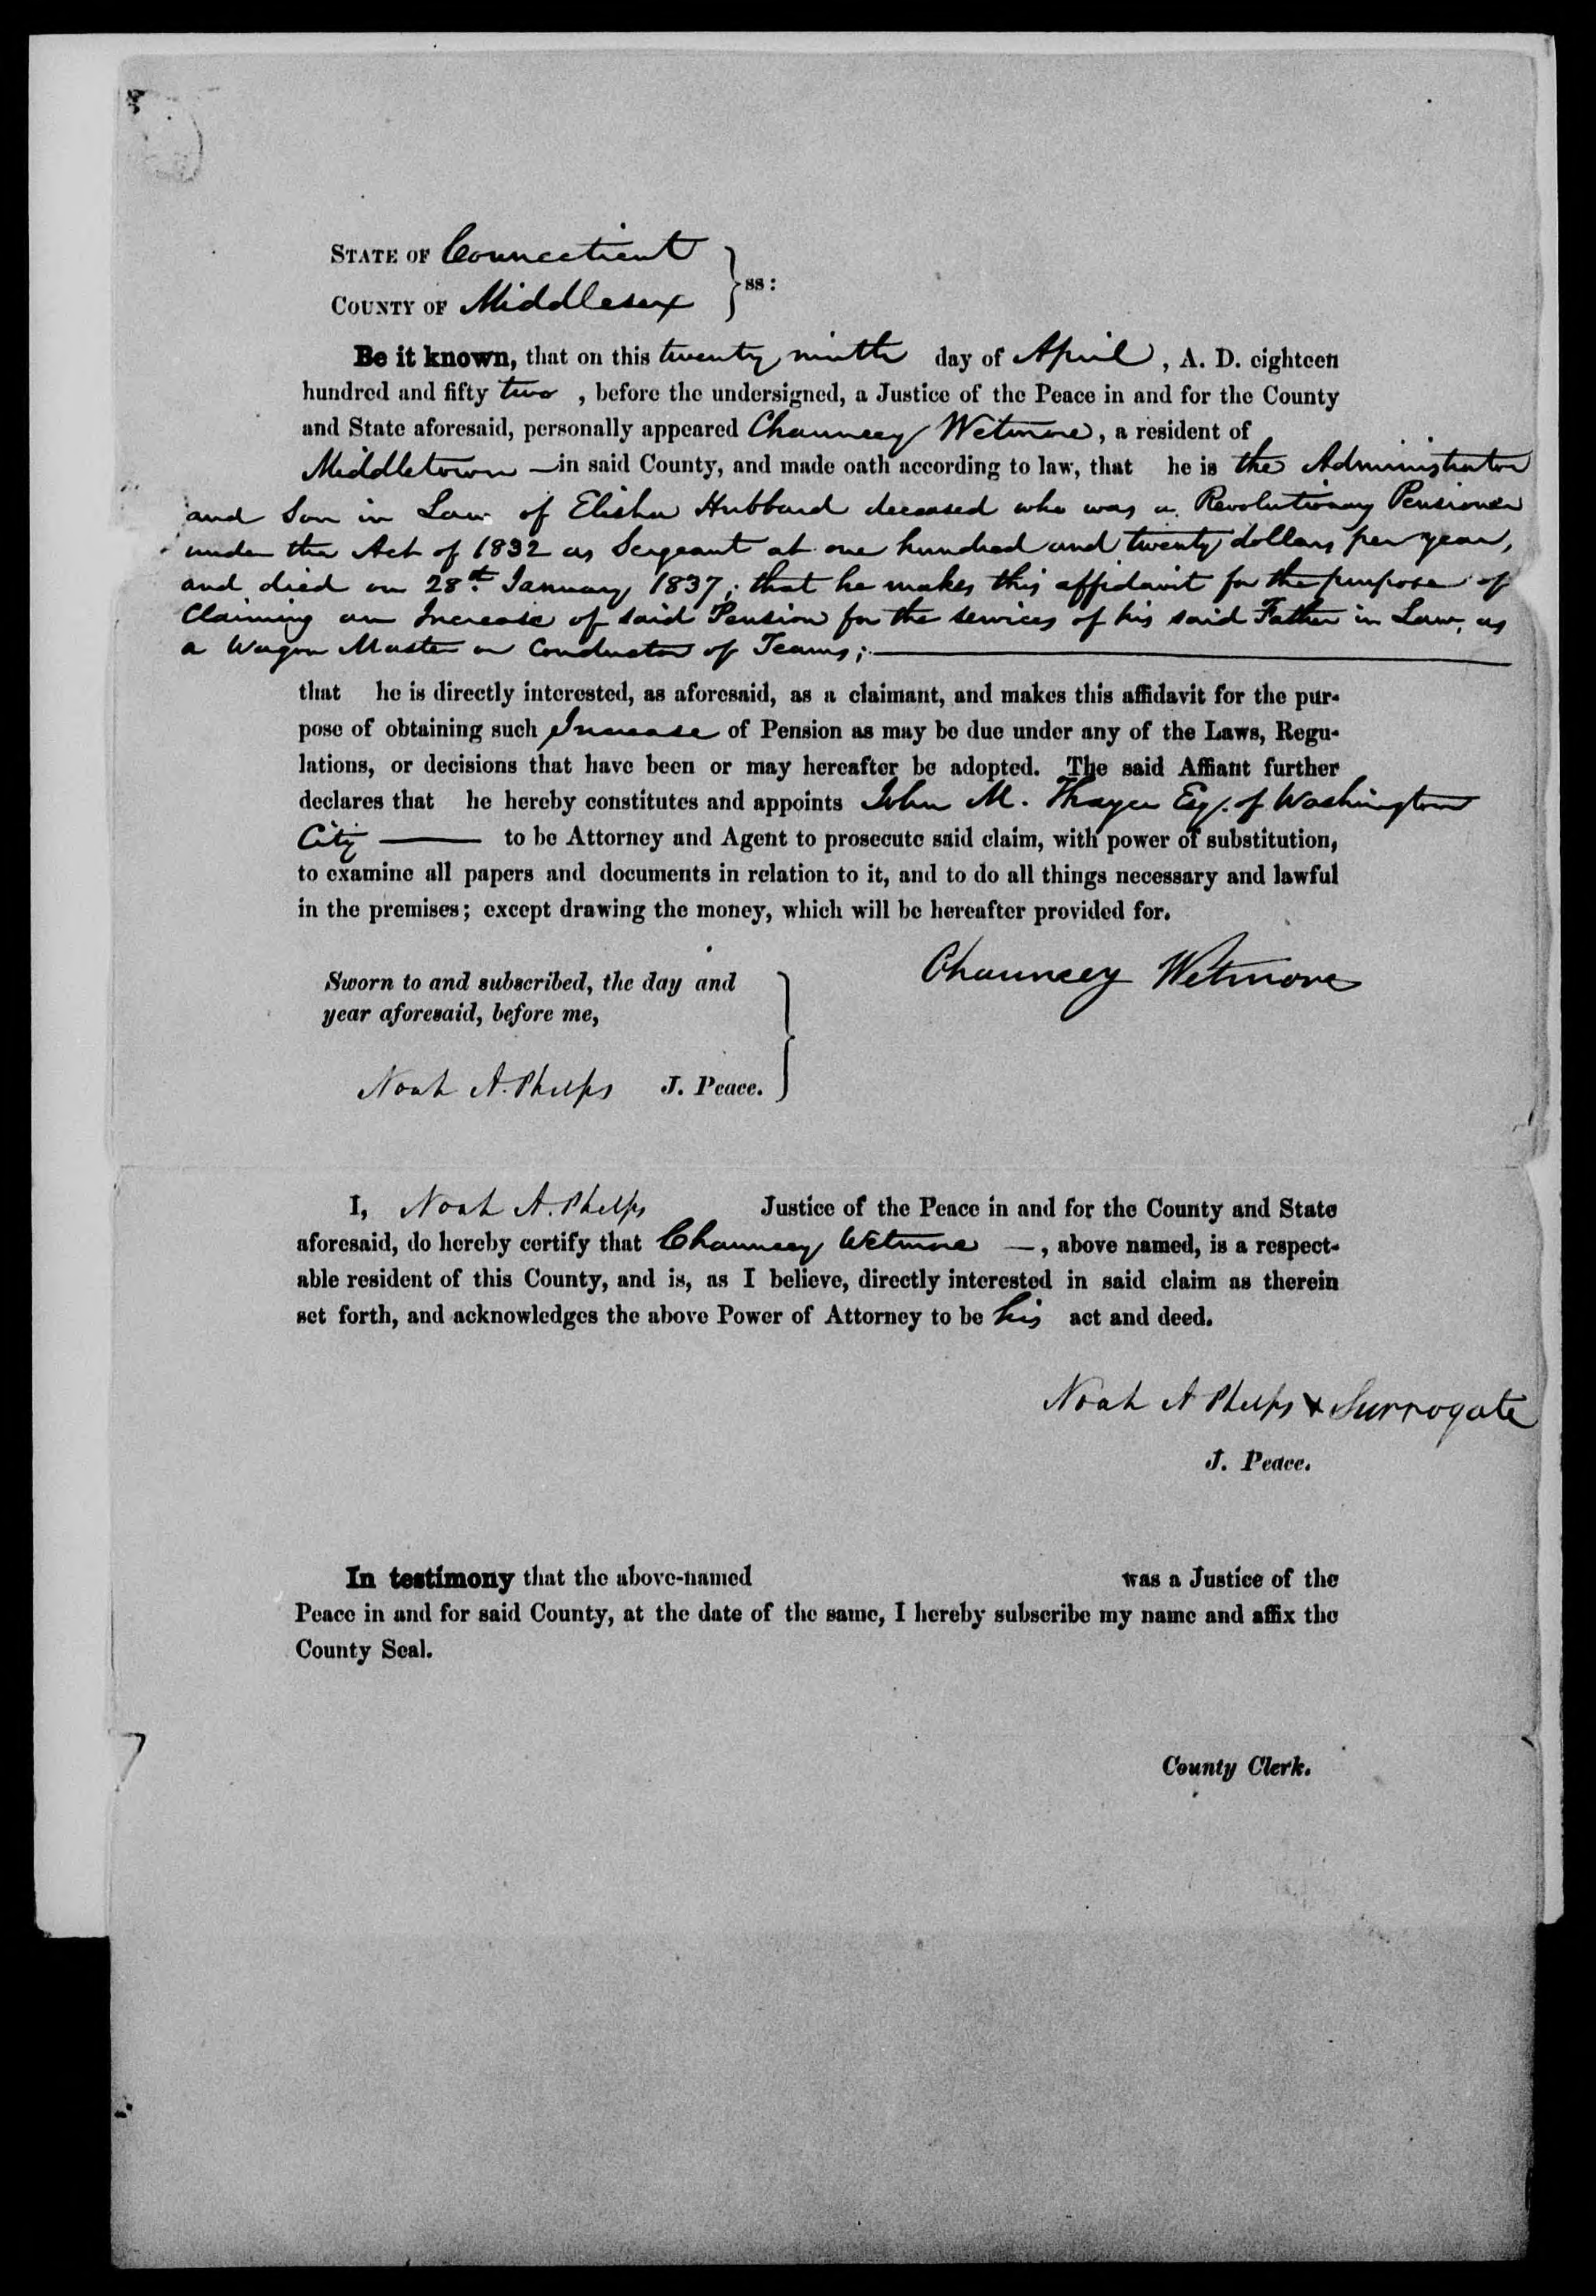State of Connecticut}
County of Middlessex} ss:

Be it known, that on the twenty ninth day of April, A. D. eighteen hundred and fifty two, before the undersigned, a Justice of the Peace in and for the County and State aforesaid, personally appeared Chauncey Wetmore, a resident of Middletown in said County, and made oath according to law, that he is the Administrator and Son in Law of Elisha Hubbard deceased who was a Revolutionary Pensioner under the Act of 1832 as Sergeant at one hundred and twenty dollars per year, and died on 28th January 1837, that he makes this affidavit for the purpose of claiming an Increase of said pension for the services of his said Father in Law, as a wagon Master on Conductor of Teams; that he is directly interested, as aforesaid, as a claimant, and makes this affidavit for the purpose of obtaining such Increase of pension as may be due under any of the Law, Regulations, or decision that have been or may hereafter be adopted.  The said Affiant further declares that he hereby constitutes and appoints John M. Thayer Esq. of Washington City to be Attorney and Agent to prosecute said claim, with power of substitution, to examine all papers and documents in relation to it, and to do all things necessary and lawful in the premises; except drawing the money, which will be hereafter provided for.

Chauncey Wetmore

Sworn to and subscribe, the day and year aforesaid, before me
Noah A Phelps

I, Noah A. Phelps, Justice of the Peace in and for the County and State aforesaid, do hereby certify that Chauncey Wetmore, above named is a respectable resident of this County, and is, as I believe, directly interested in said claim as therein set forth, and acknowledges the above Power of Attorney to be his act and deed.

Noah A Phelps & Surrogate
J. Peace

In testimony that the above-named  was a Justice of the Peace in and for said County, at the date of the same, I hereby subscribe my name and affix the County Seal.

County Clerk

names: Chauncey Wetmore, Noah A Phelps, John M Thayer, Elisha Hubbard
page: 26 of 63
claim: survivor's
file: S. 18457, Elisha Hubbard, Conn. Continental